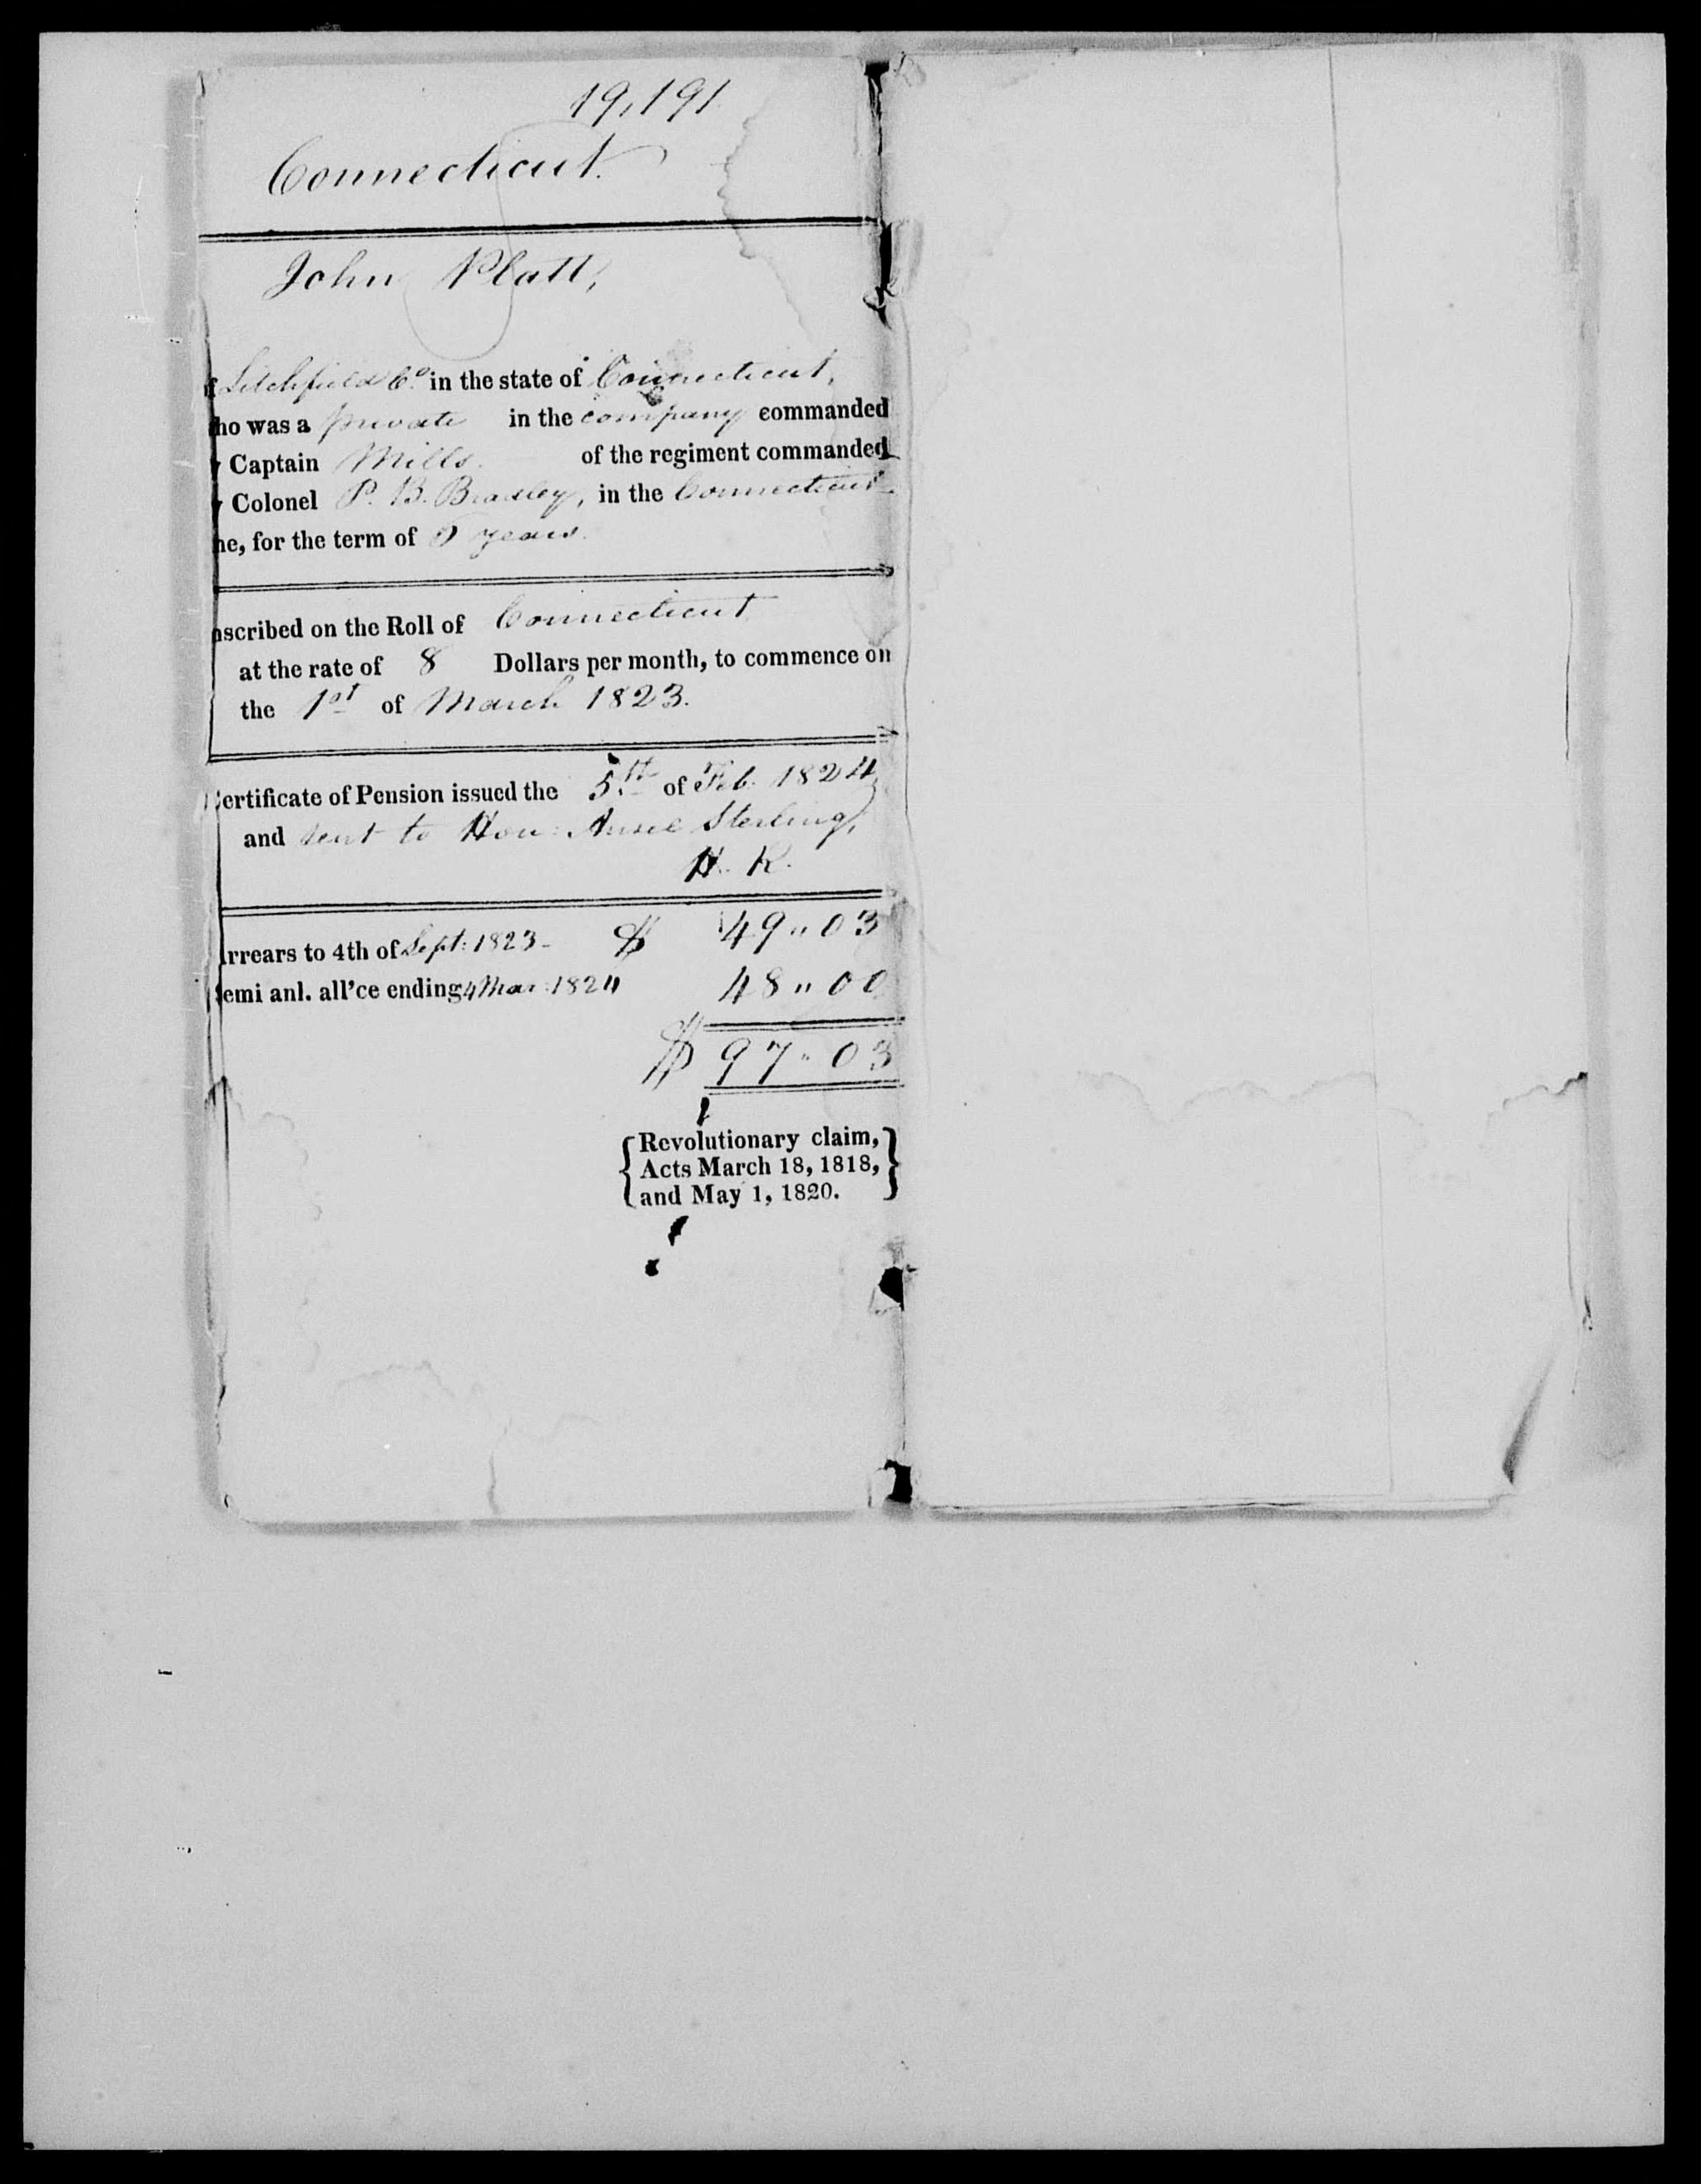19,191
Connecticut
John Platt
Litchfield Co. in the state of Connecticut,
who was a private in the company command
Captain Mills of the regiment command
Colonel P.B. Bradley, in the Connecticut
, for the term of 6 years.
ascribed on the Roll of Connecticut
at the rate of 8 Dollars per month, to commence
the 1st of March 1823.
Certificate of Pension issued the 5th of Feb. 1824
and sent to H[illegible] Ansel Sterling, H.R.
arrears to 4th of Sept. 1823 - $49.03
Semi anl. all'ce ending 4 Mar. 1824 - $48.00
[Total] $97.03
{Revolutionary claim,}
{Acts March 18, 1818,}
{and May 1, 1820}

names: Ansel Sterling; [BLANK] Mills; P B Bradley; John Platt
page: 2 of 12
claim: survivor's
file: S. 36,233, for John Platt, Connecticut